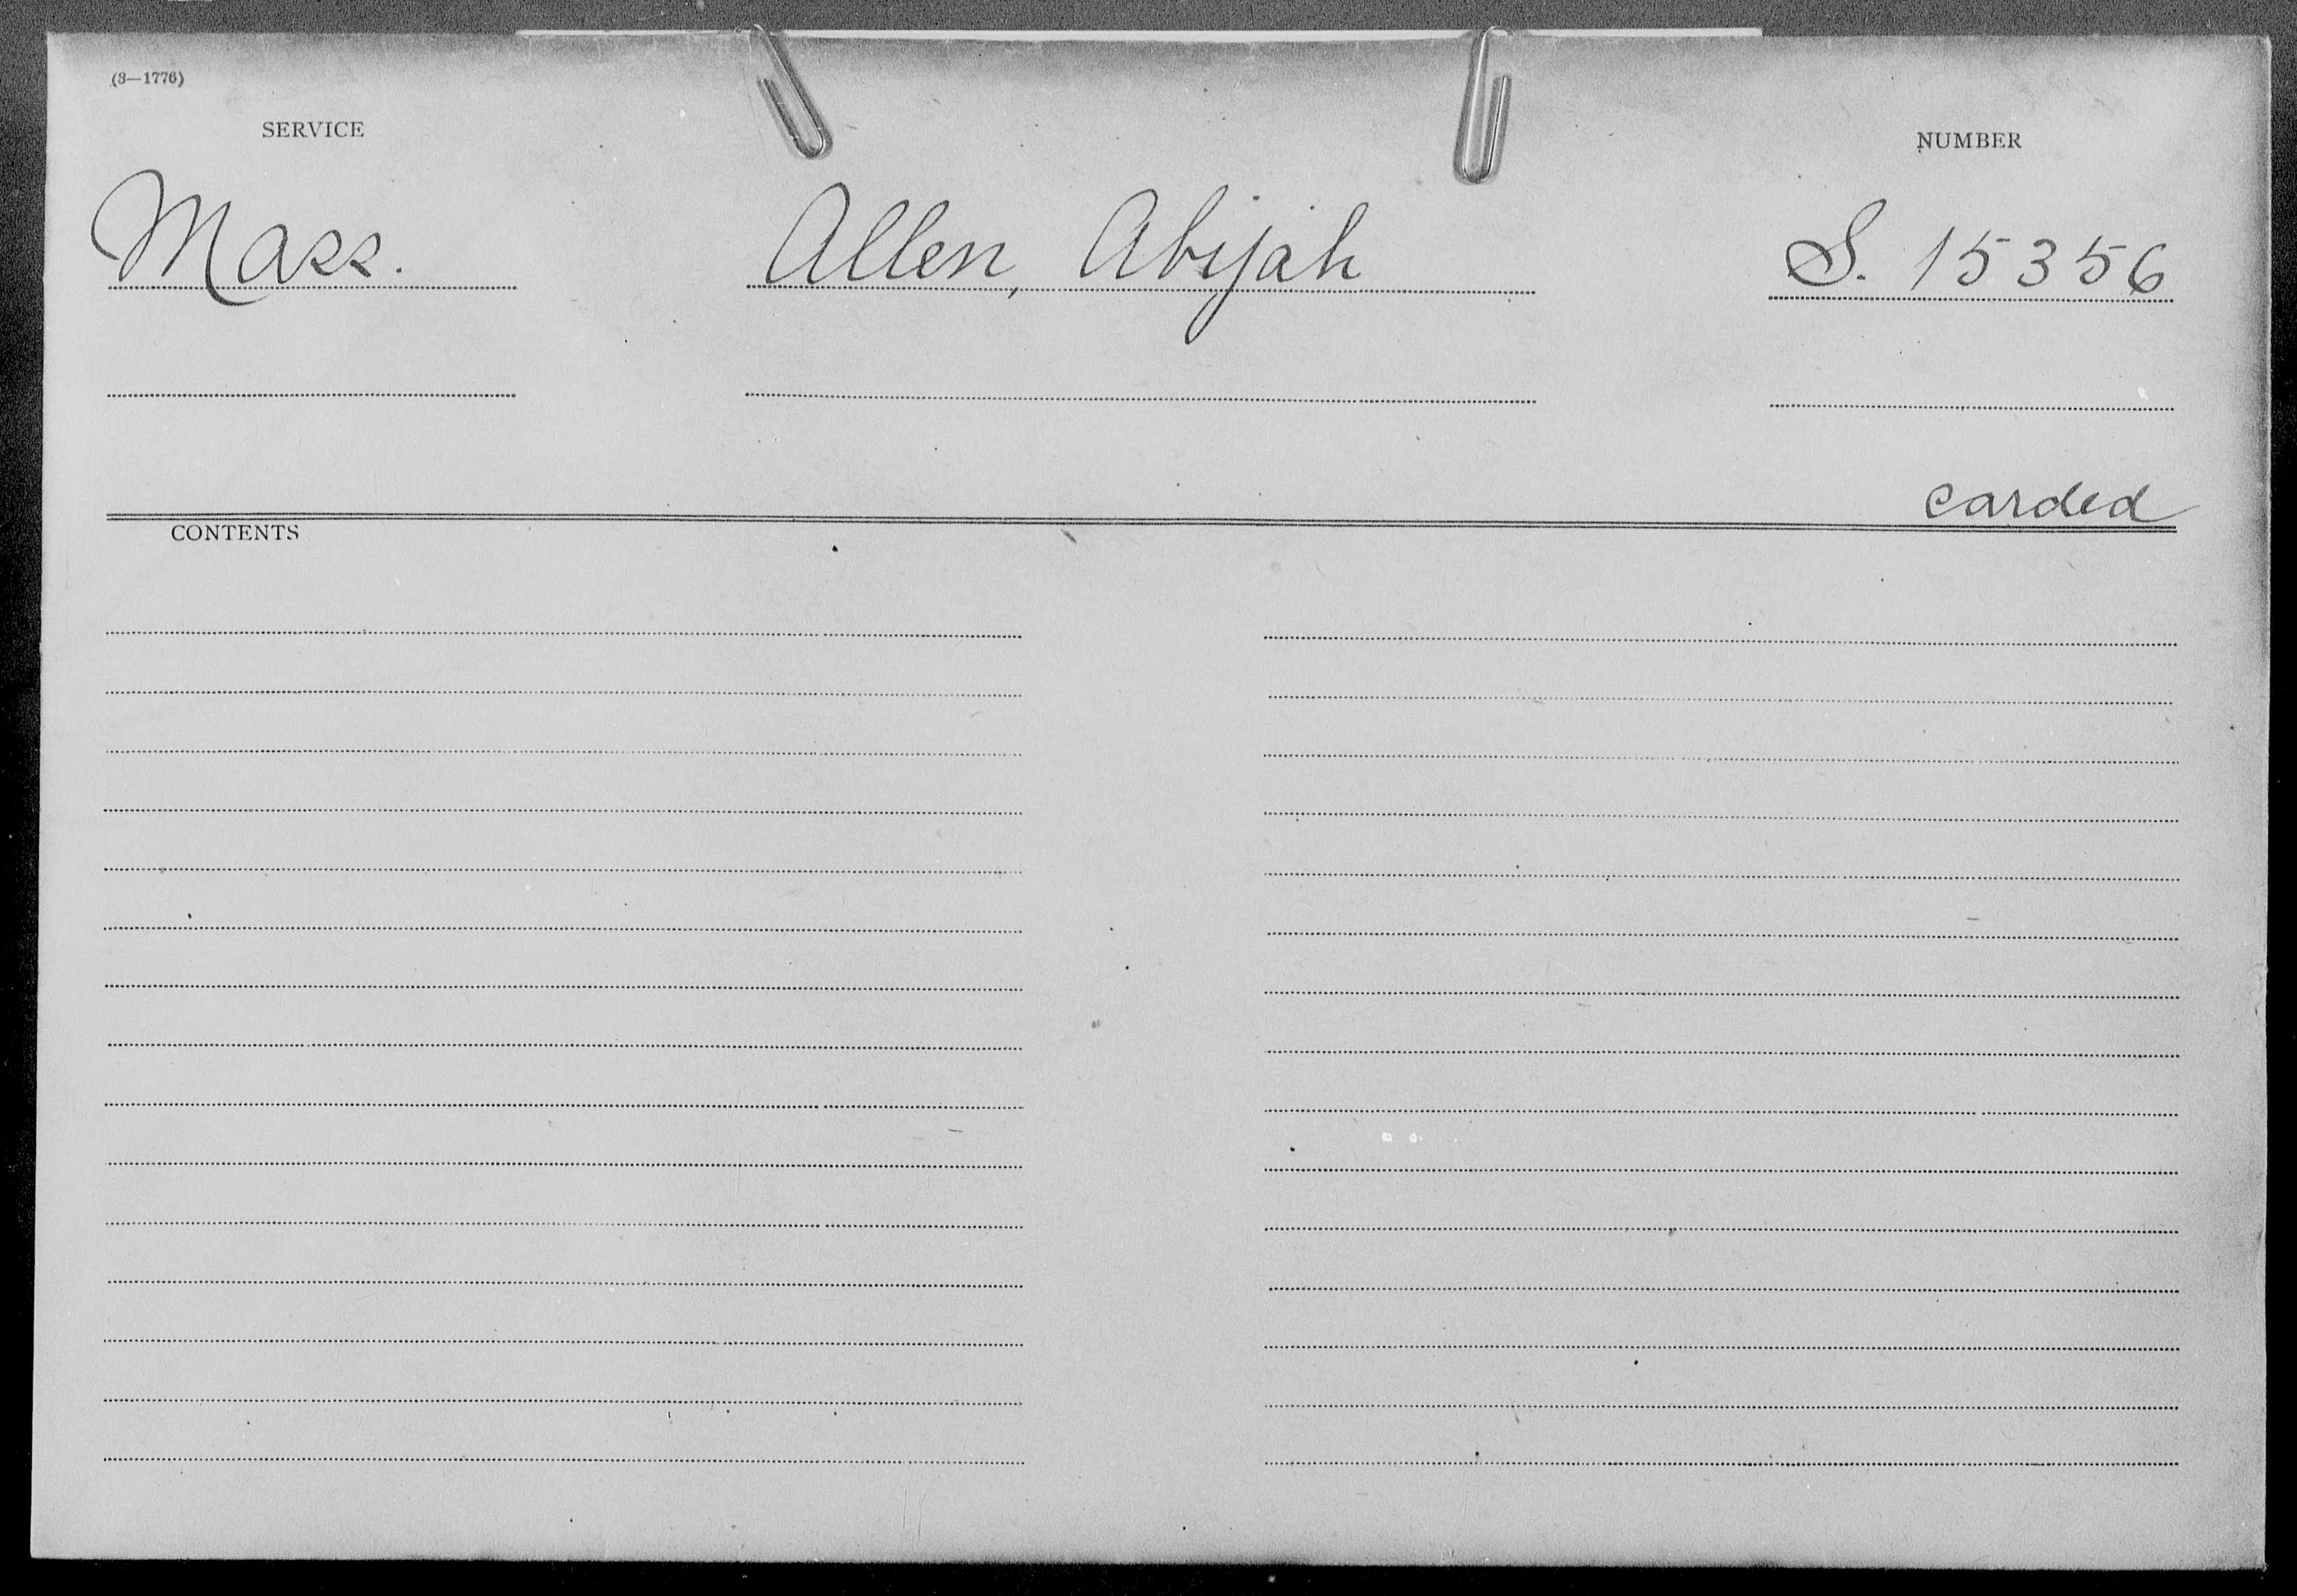(3-1776)
SERVICE 
Mass. 
Allen, Abijah
NUMBER
S. 15356
carded

CONTENTS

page: 1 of 21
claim: survivor's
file: S. 15356, Abijah Allen, Mass.